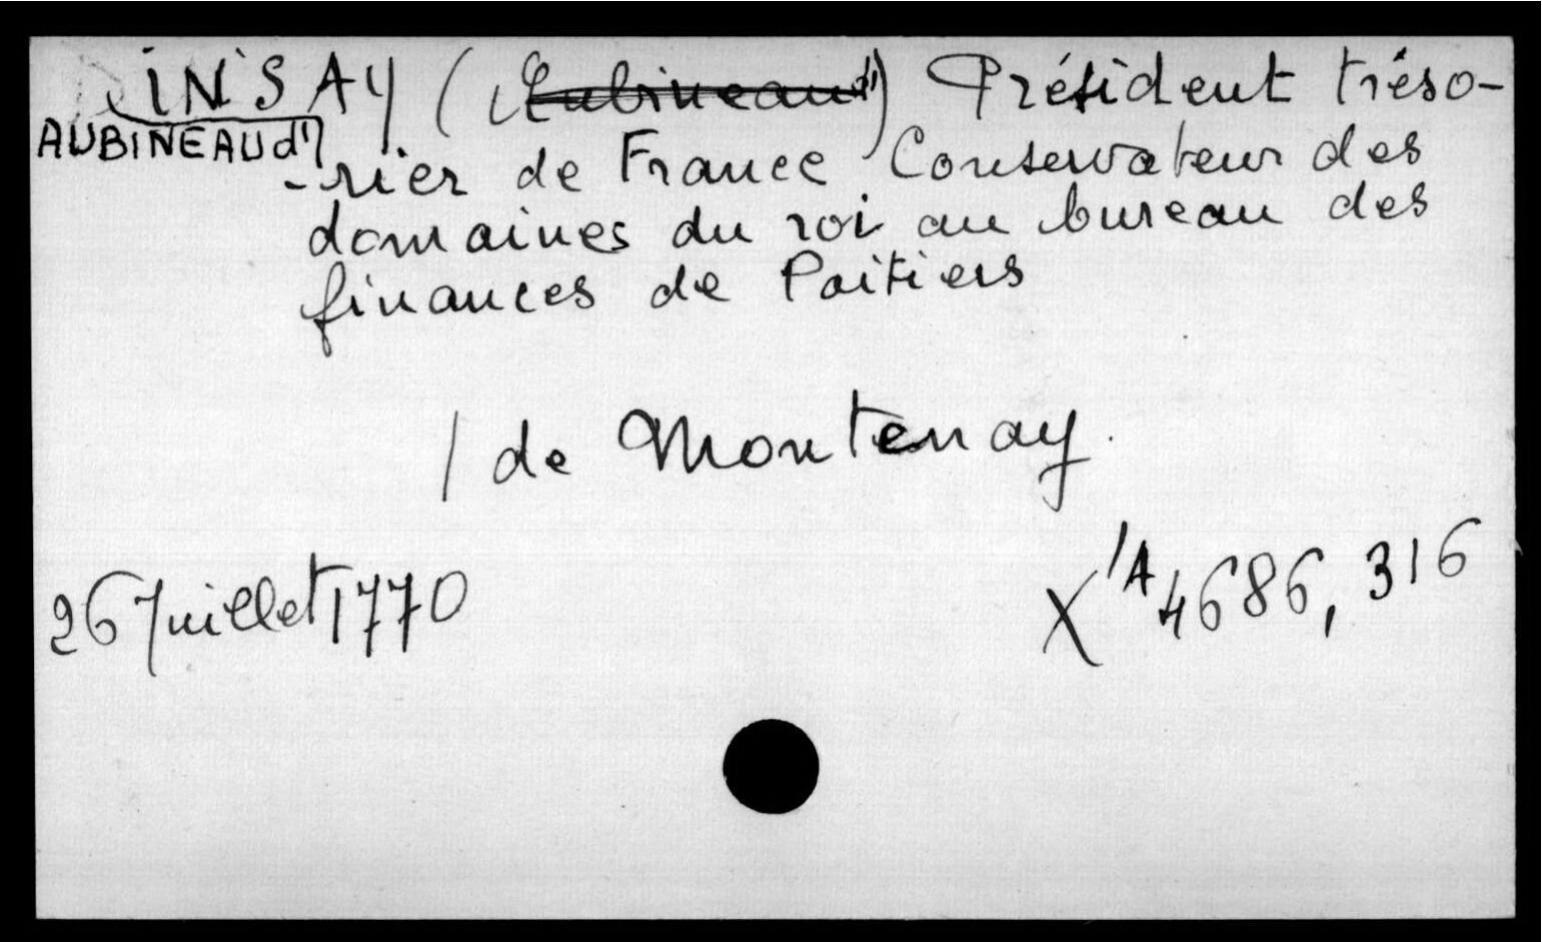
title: AUBINEAU d'INSAY Président trèsorier de France Conservateur des domaines du roi au bureau des finances de Poitiers
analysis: Contre de Montenay
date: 26 juillet 1770
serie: X1A
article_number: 4686
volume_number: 316
